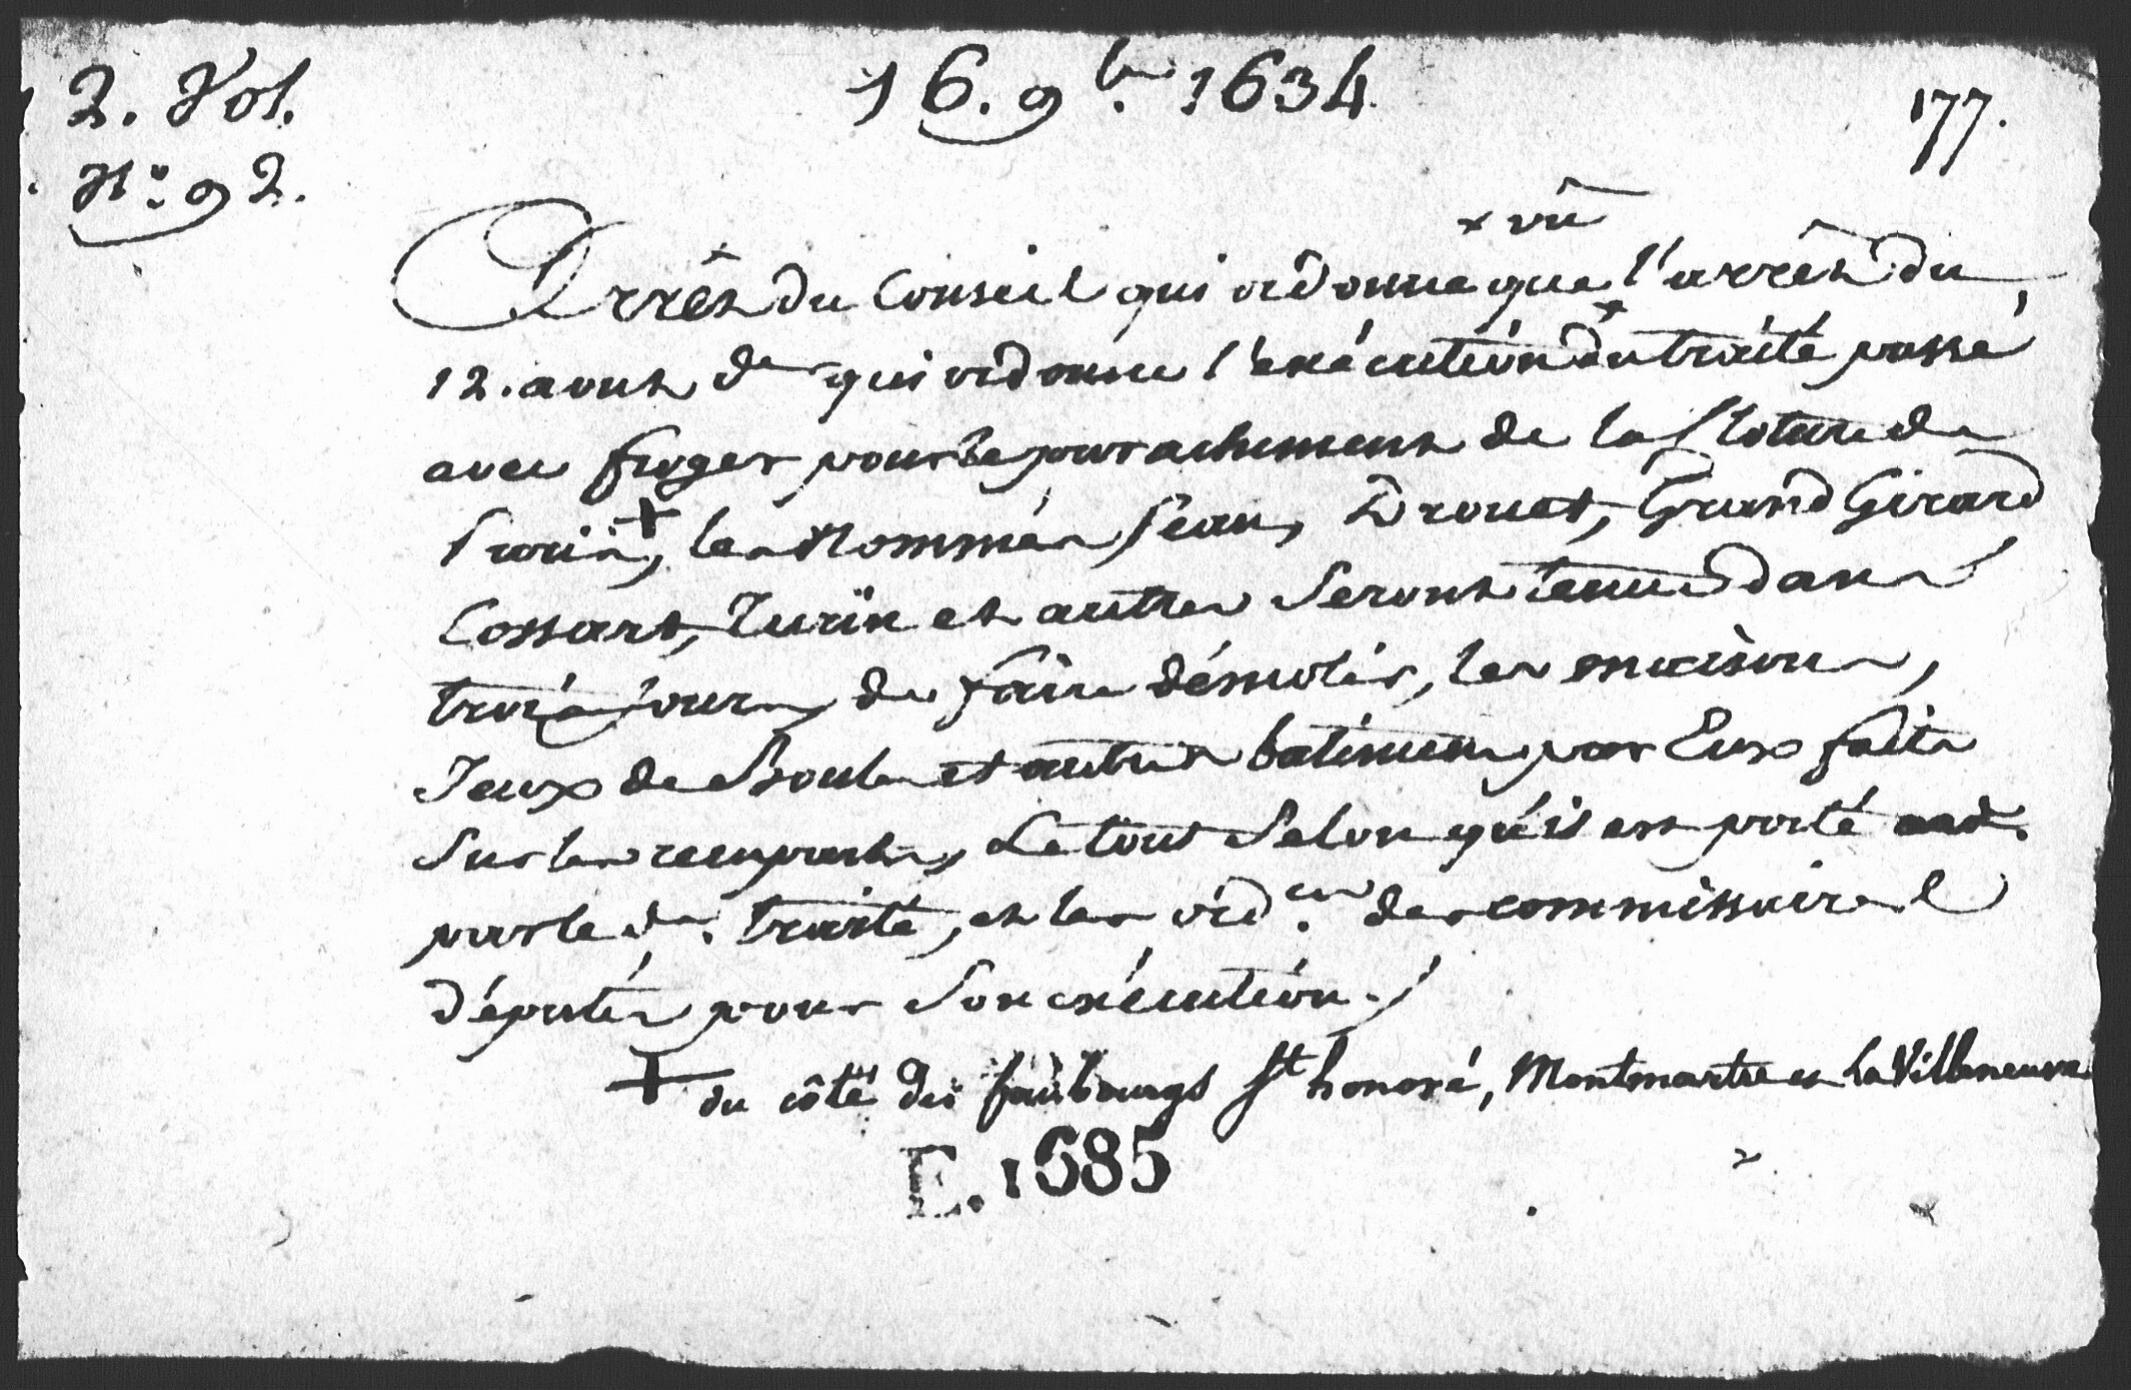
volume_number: n°92
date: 16 novembre 1634
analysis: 177
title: Arrêt du Conseil qui ordonne que vu l’arrêt du 12. aout der qui ordonne l’exécution du traité passé avec Froger pour le parachement de la cloture de Paris, du côté des faubourgs St honoré, Montmartre et La Villeneuve, les nommés Sean, Drouet, Grand Girard, Cossart, Turin et autres seront tenus dans trois jours, de faire démolir, les maisons, jeux de boules et autres batimens par eux faits sur les remparts, le tout selon qu’il est porté [aud. Barré] par led. Traité, et les ord.ces des commissaires députés pour son exécution.
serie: E
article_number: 1685
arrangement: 2. vol.
